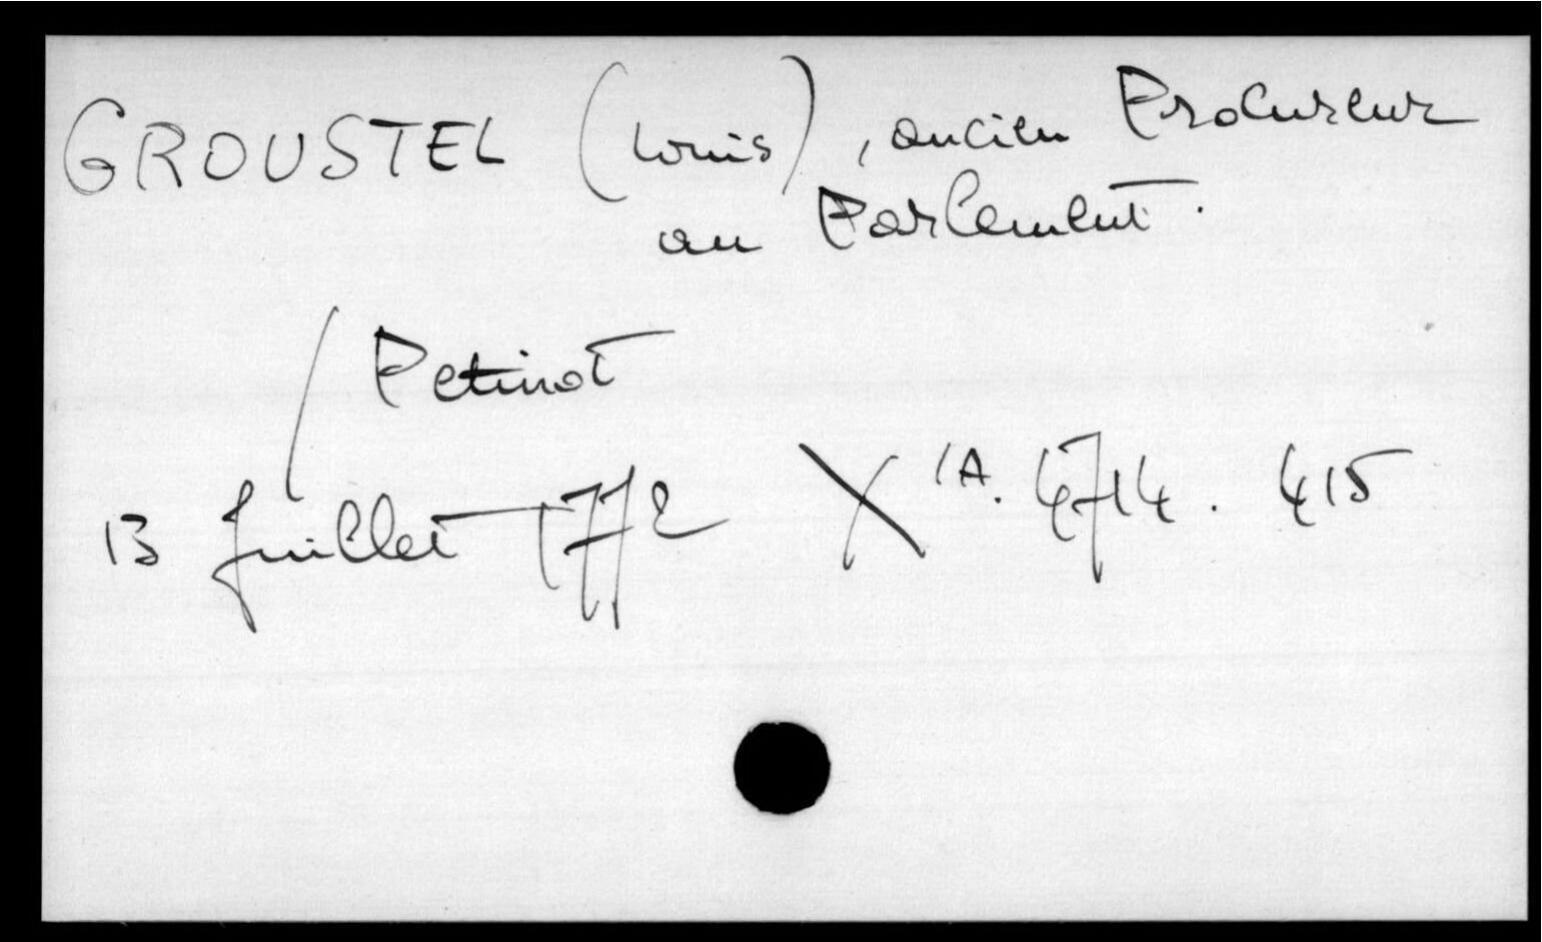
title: GROUSTEL (Louis), ancien procureur au Parlement.
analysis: Contre Petinot
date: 13 juillet 1772
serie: X1A
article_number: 4714
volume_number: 415
